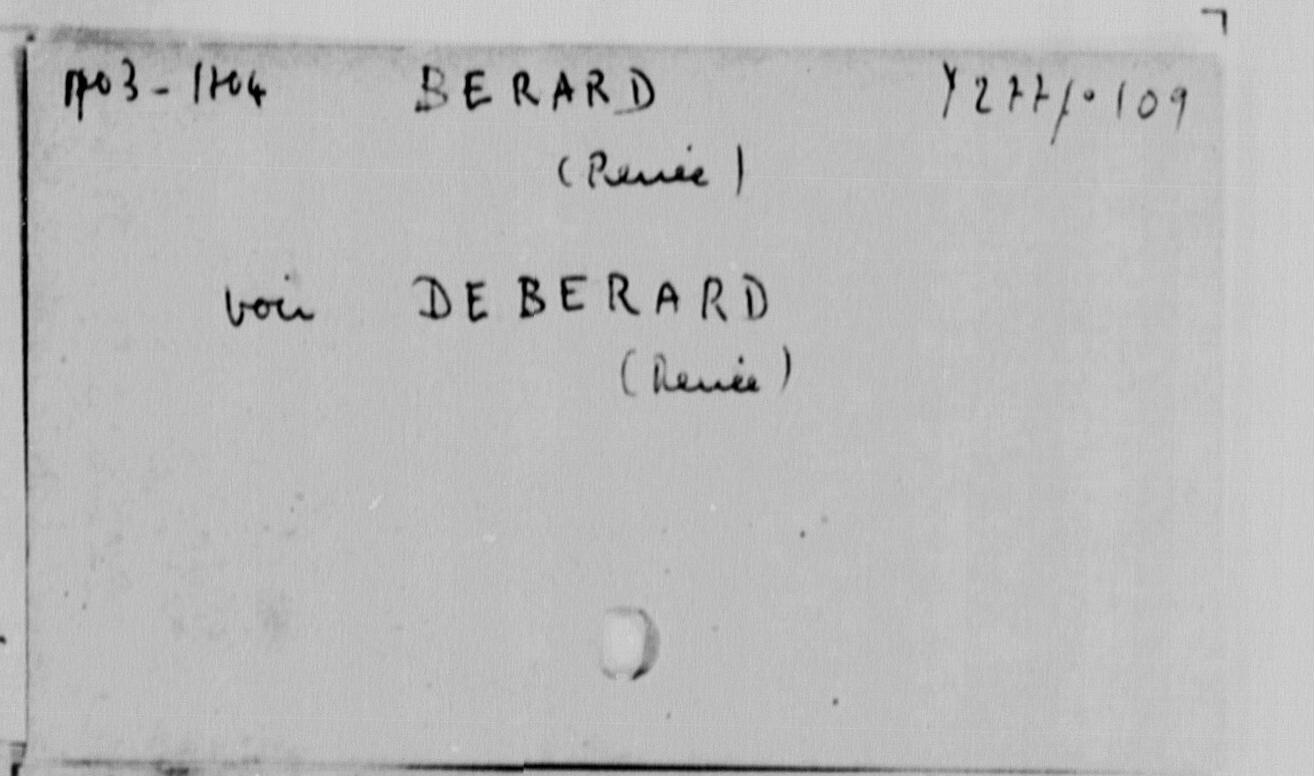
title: BERARD (Renée)
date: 1703-1704
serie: Y
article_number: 277
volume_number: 109
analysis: Voir : DE BERARD (Renée)
